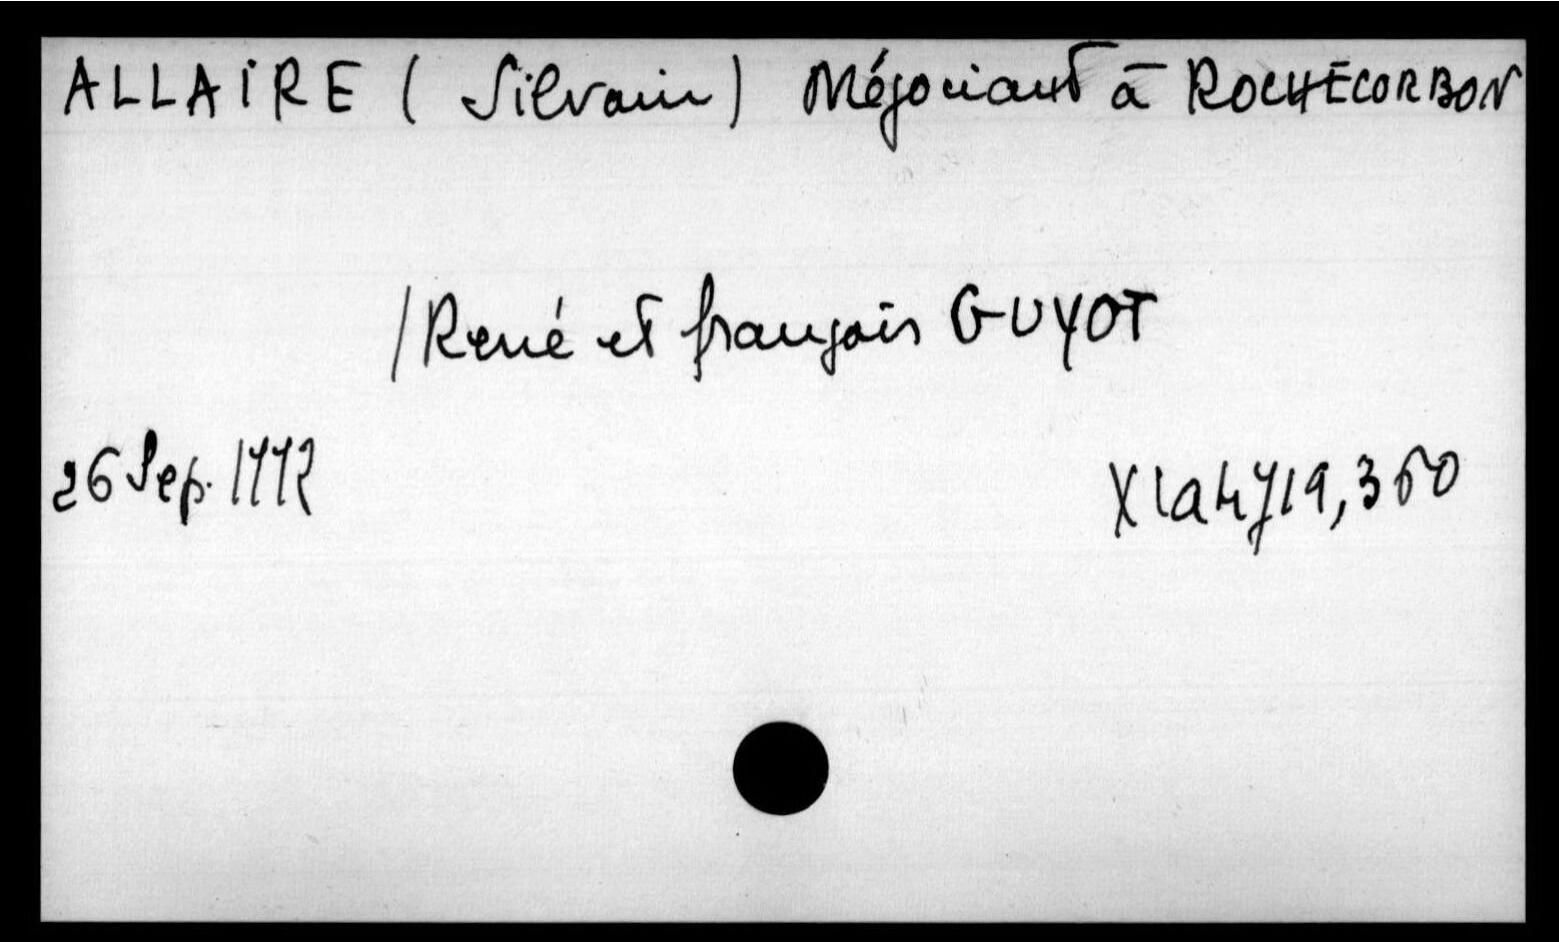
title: ALLAIRE (Silvain) Négociant à ROCHECORBON
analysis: Contre René et François GUYOT
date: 26 septembre 1772
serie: X1a
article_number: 4719
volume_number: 360
